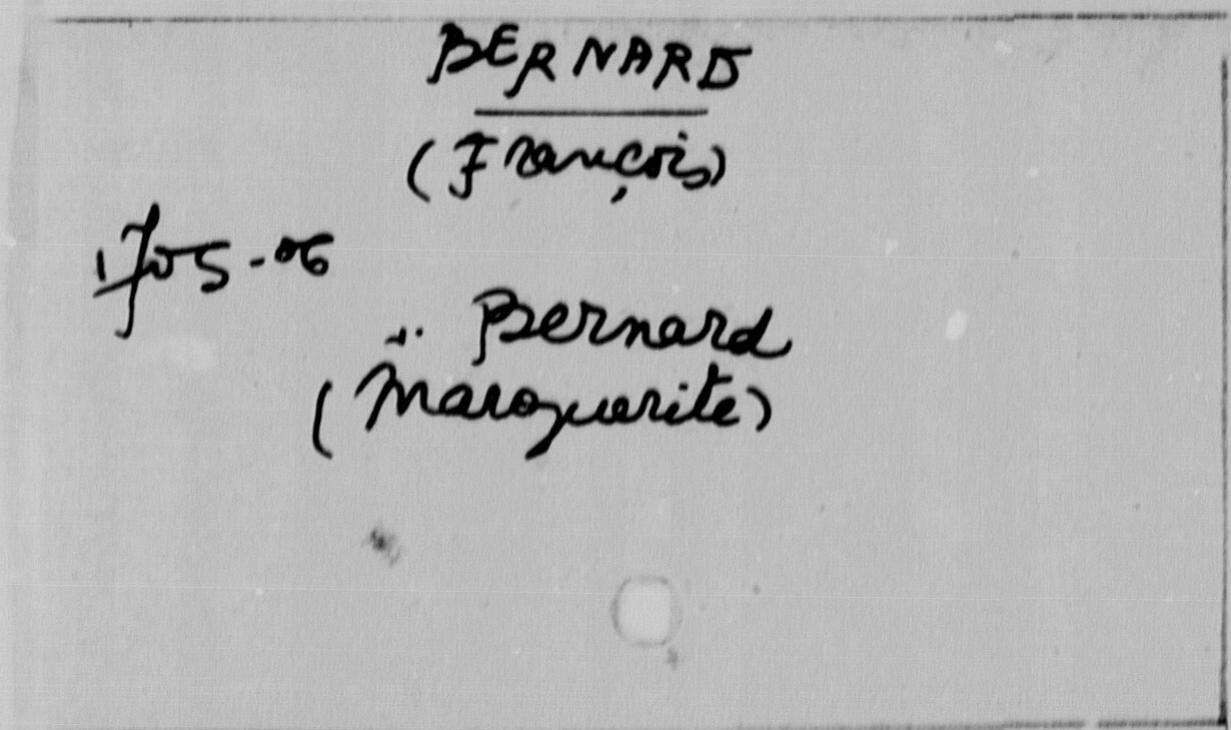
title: BERNARD (François)
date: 1705-1706
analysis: Voir BERNARD (Marguerite)
